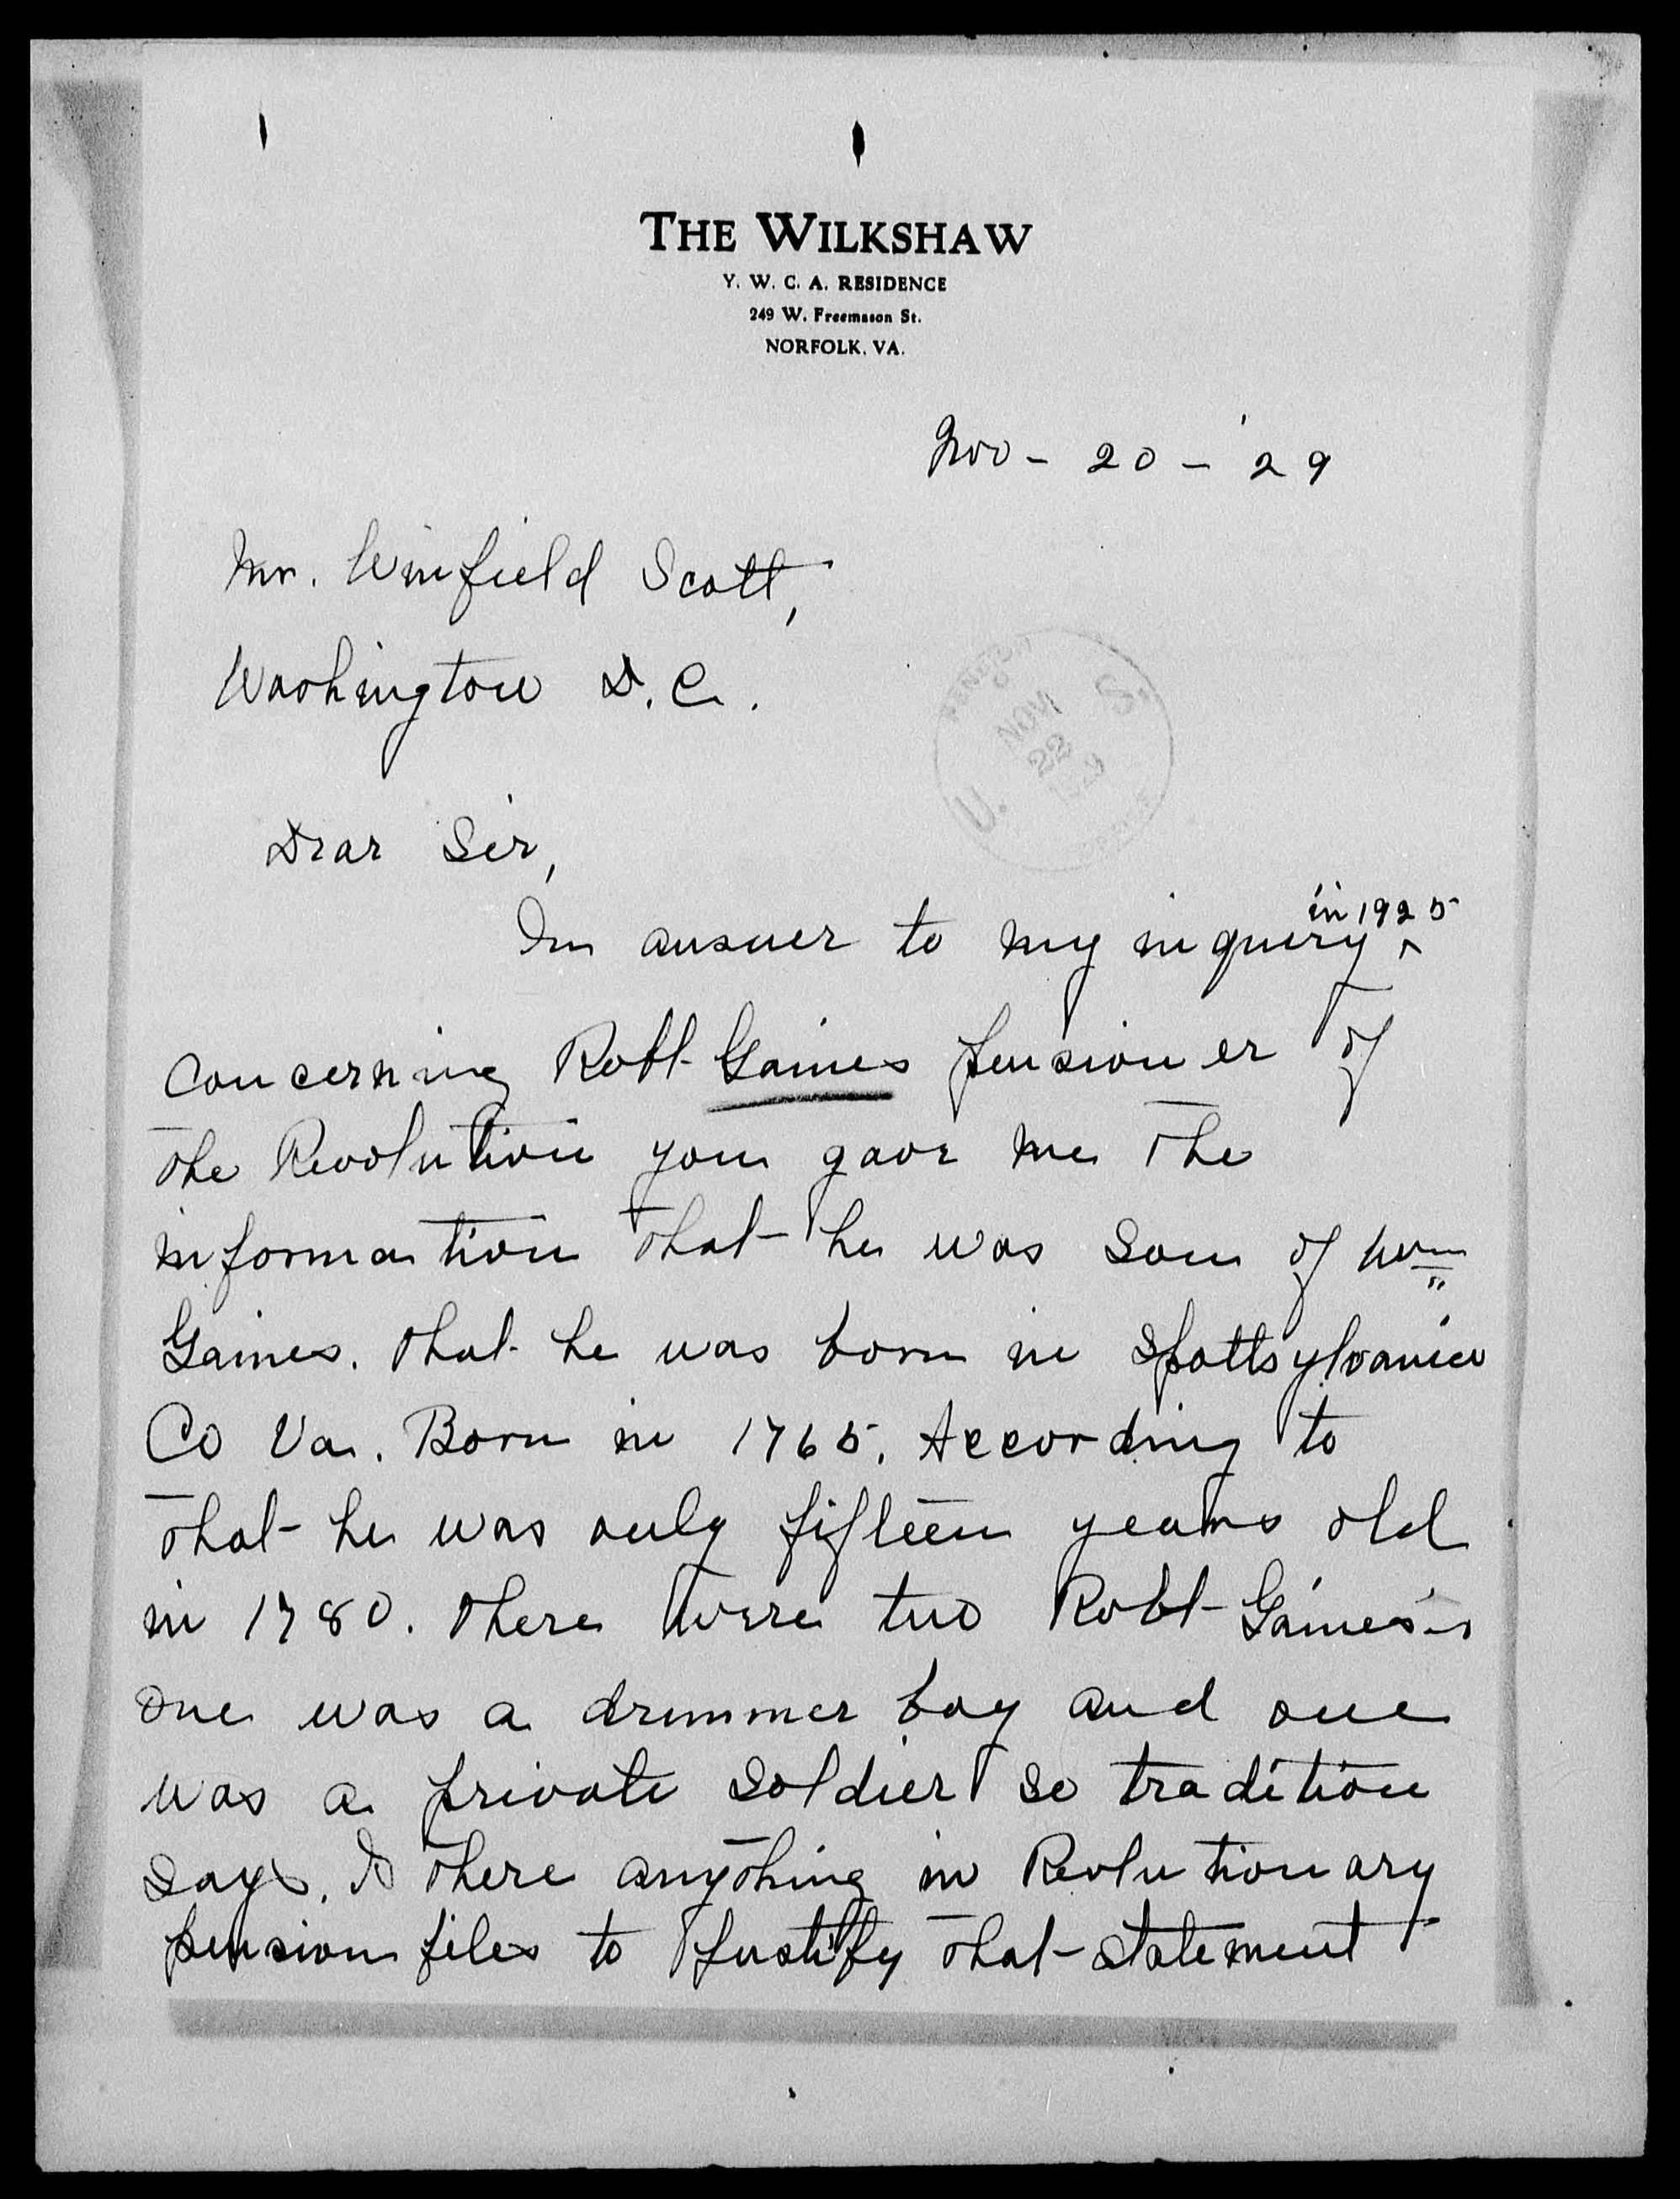U. S. PENSION OFFICE
NOV
22
1929

THE WILKSHAW
Y. W. C. A. RESIDENCE
249 W. Freemason St.
NORFOLK, VA.
Nov-20-29
Mr. Winfield Scott,
Washington D.C.
Dear Sir
in 1925
In answer to my inquiry in 1925
concerning Robt James pensioner of
the Revolution you gave me the
information that he was born in Spottsylvania
Co Va. Born in 1765. According to 
that he was only fifteen years old
in 1780. There were two Robt Gaines -
one was a drummer boy and one
was a private soldier so tradition
says. Is there anything in Revlutionary
pension files to justify that statement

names: Wm Gaines, Winfield Scott, Robt Gaines, Robt Gaines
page: 39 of 79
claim: rejected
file: R. 3863, Robert Gaines, Va.